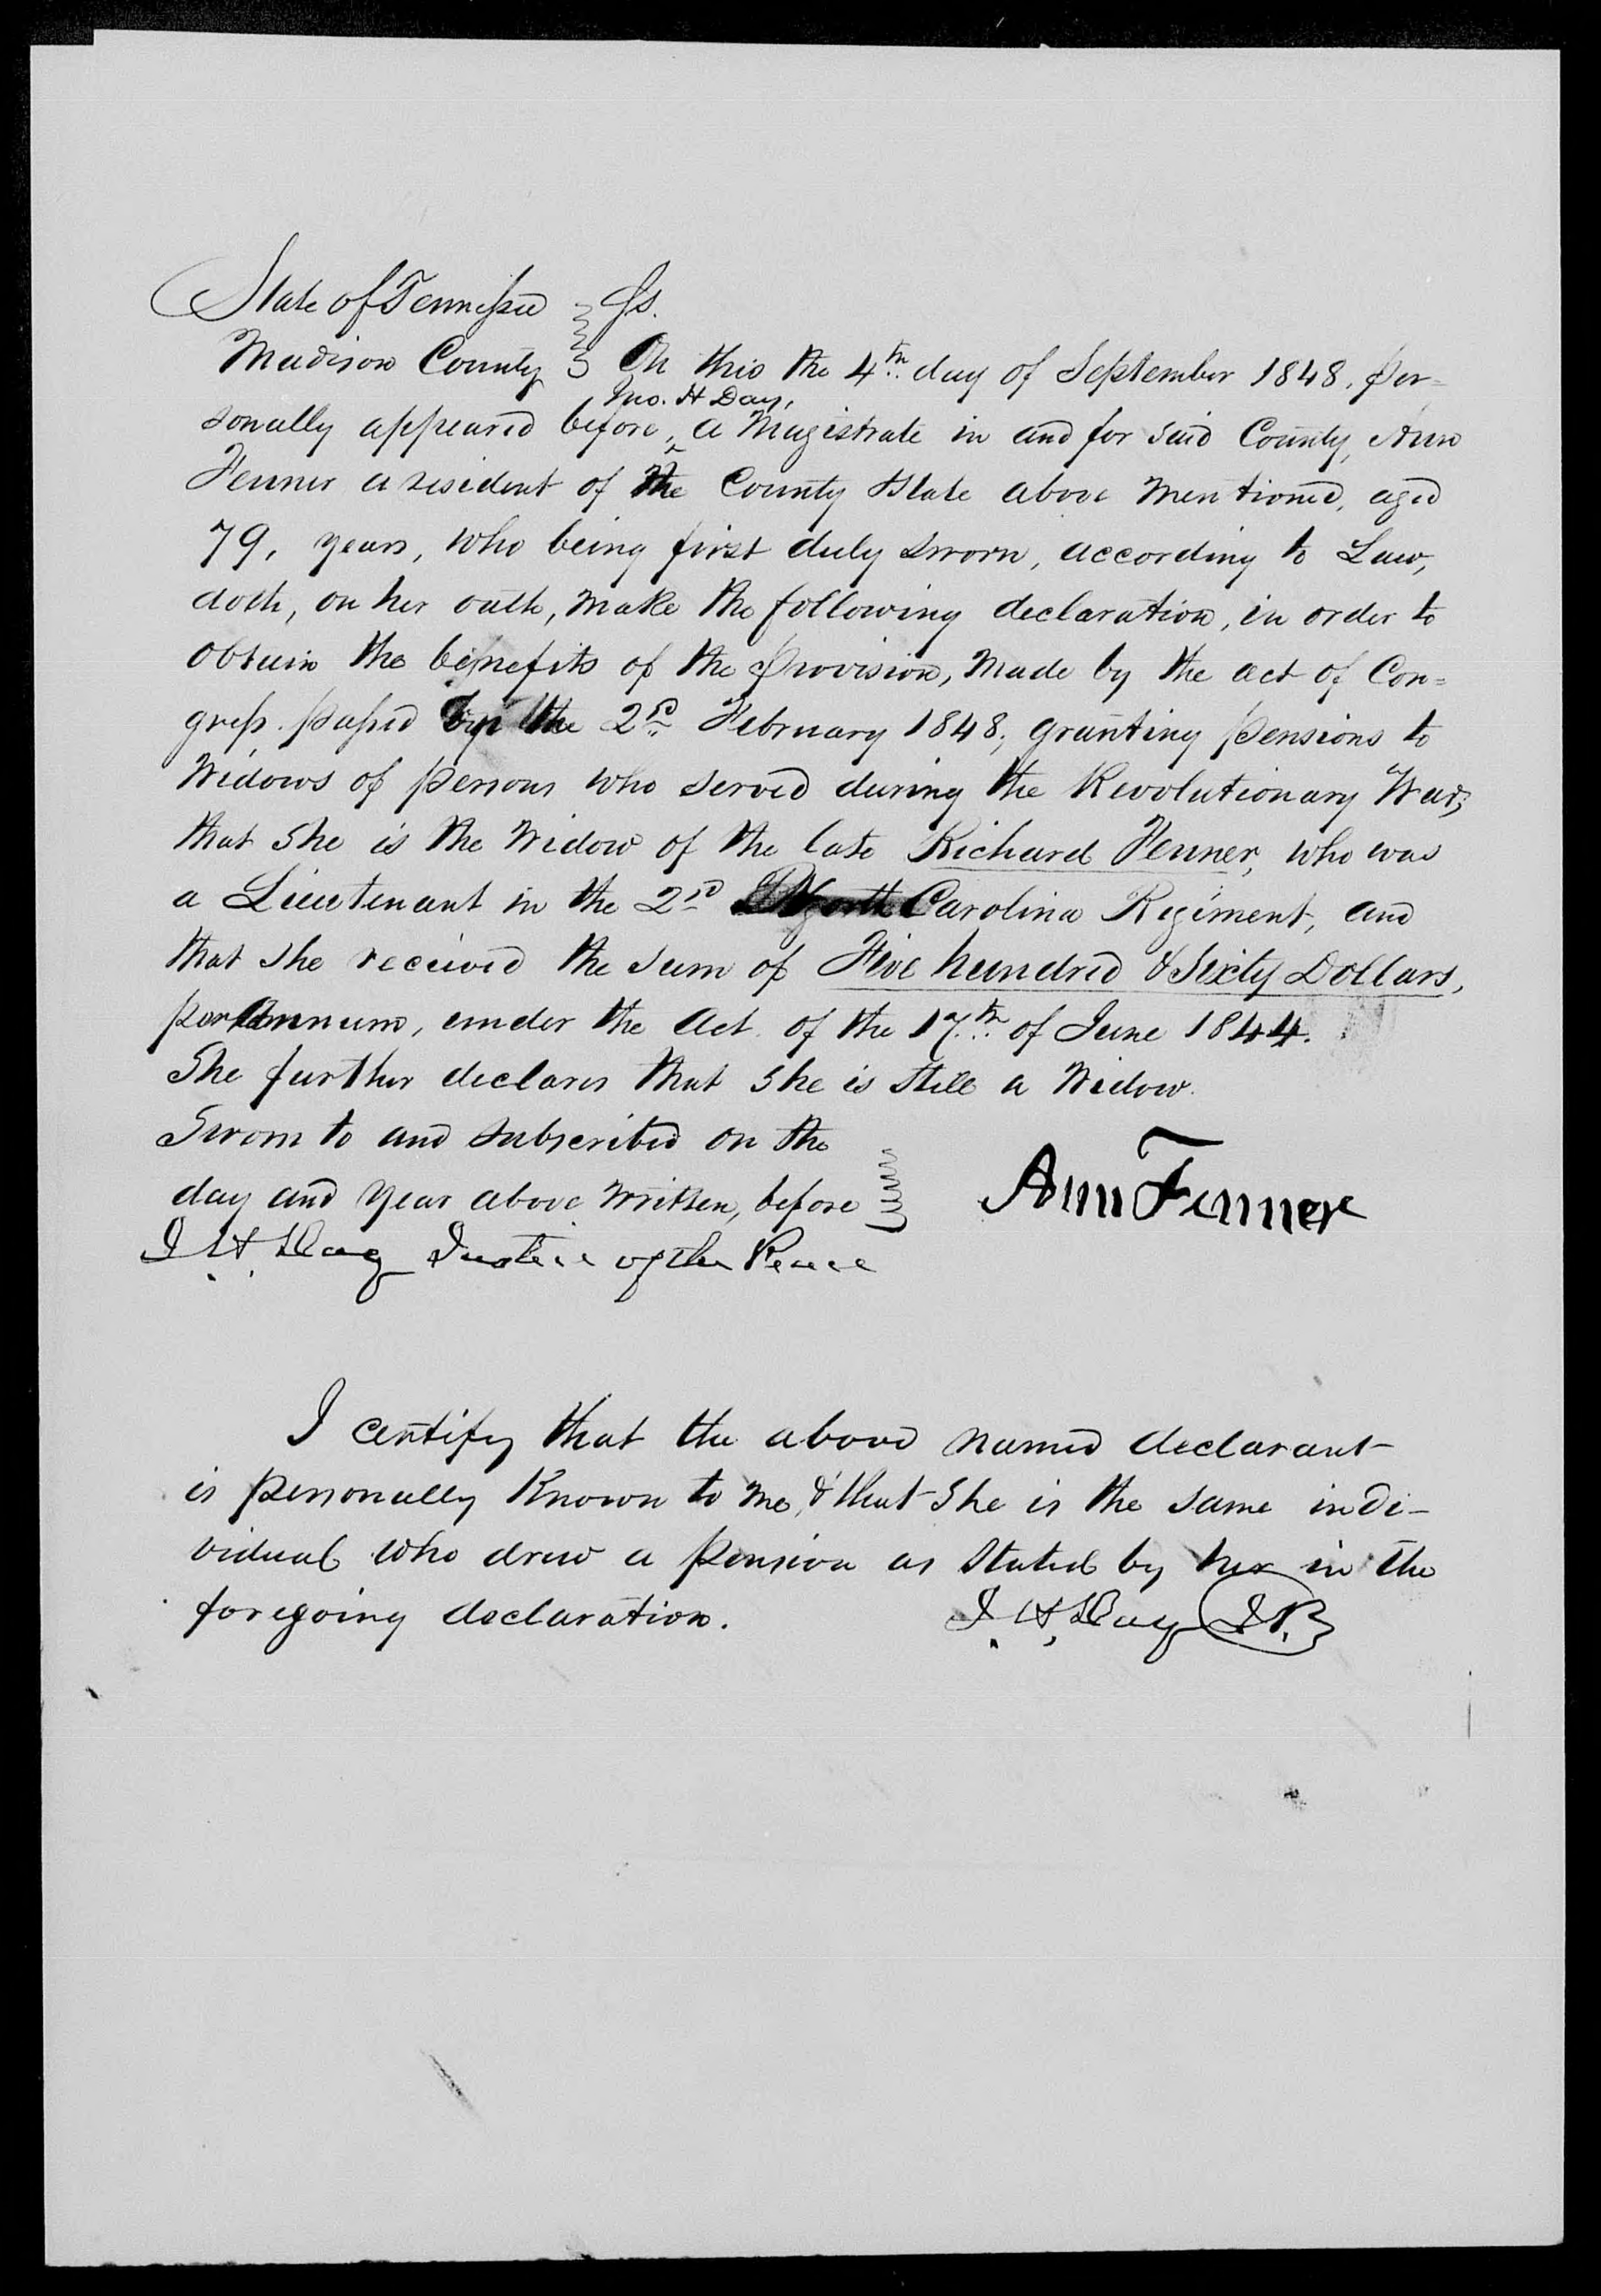State of Tennessee
Madison County gls

On this the 4th day of September 1848 personally appeared before Jno. H. Day, a magistrate in and for said County, Ann Fenner a resident of County State above mentioned, aged 79, years, who being first duly sworn, according to Law doth, on her oath make the following declaration, in order to obtain the benefits of the provision, made by the act of Congress passed on the 2nd February 1848, granting pensions to widows of persons who served during the Revolutionary War, that she is the Widow of the late Richard Fenner, who was a Lieutenant of the 2nd North Carolina Regiment, and that she received the sum of Five hundred Sixty Dollars, per annum, under the Act of the 17th of June 1844.  She further declares that she is still a Widow.

Ann Fenner

Sworn to and subscribed on the day and year above written, before
J. H. Day Justice of the Peace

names: Jno H Day, J H Day, Richard Fenner, Ann Fenner, Ann Fenner, J H Day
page: 33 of 39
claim: widow's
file: W. 789, Richard Fenner, N.C.